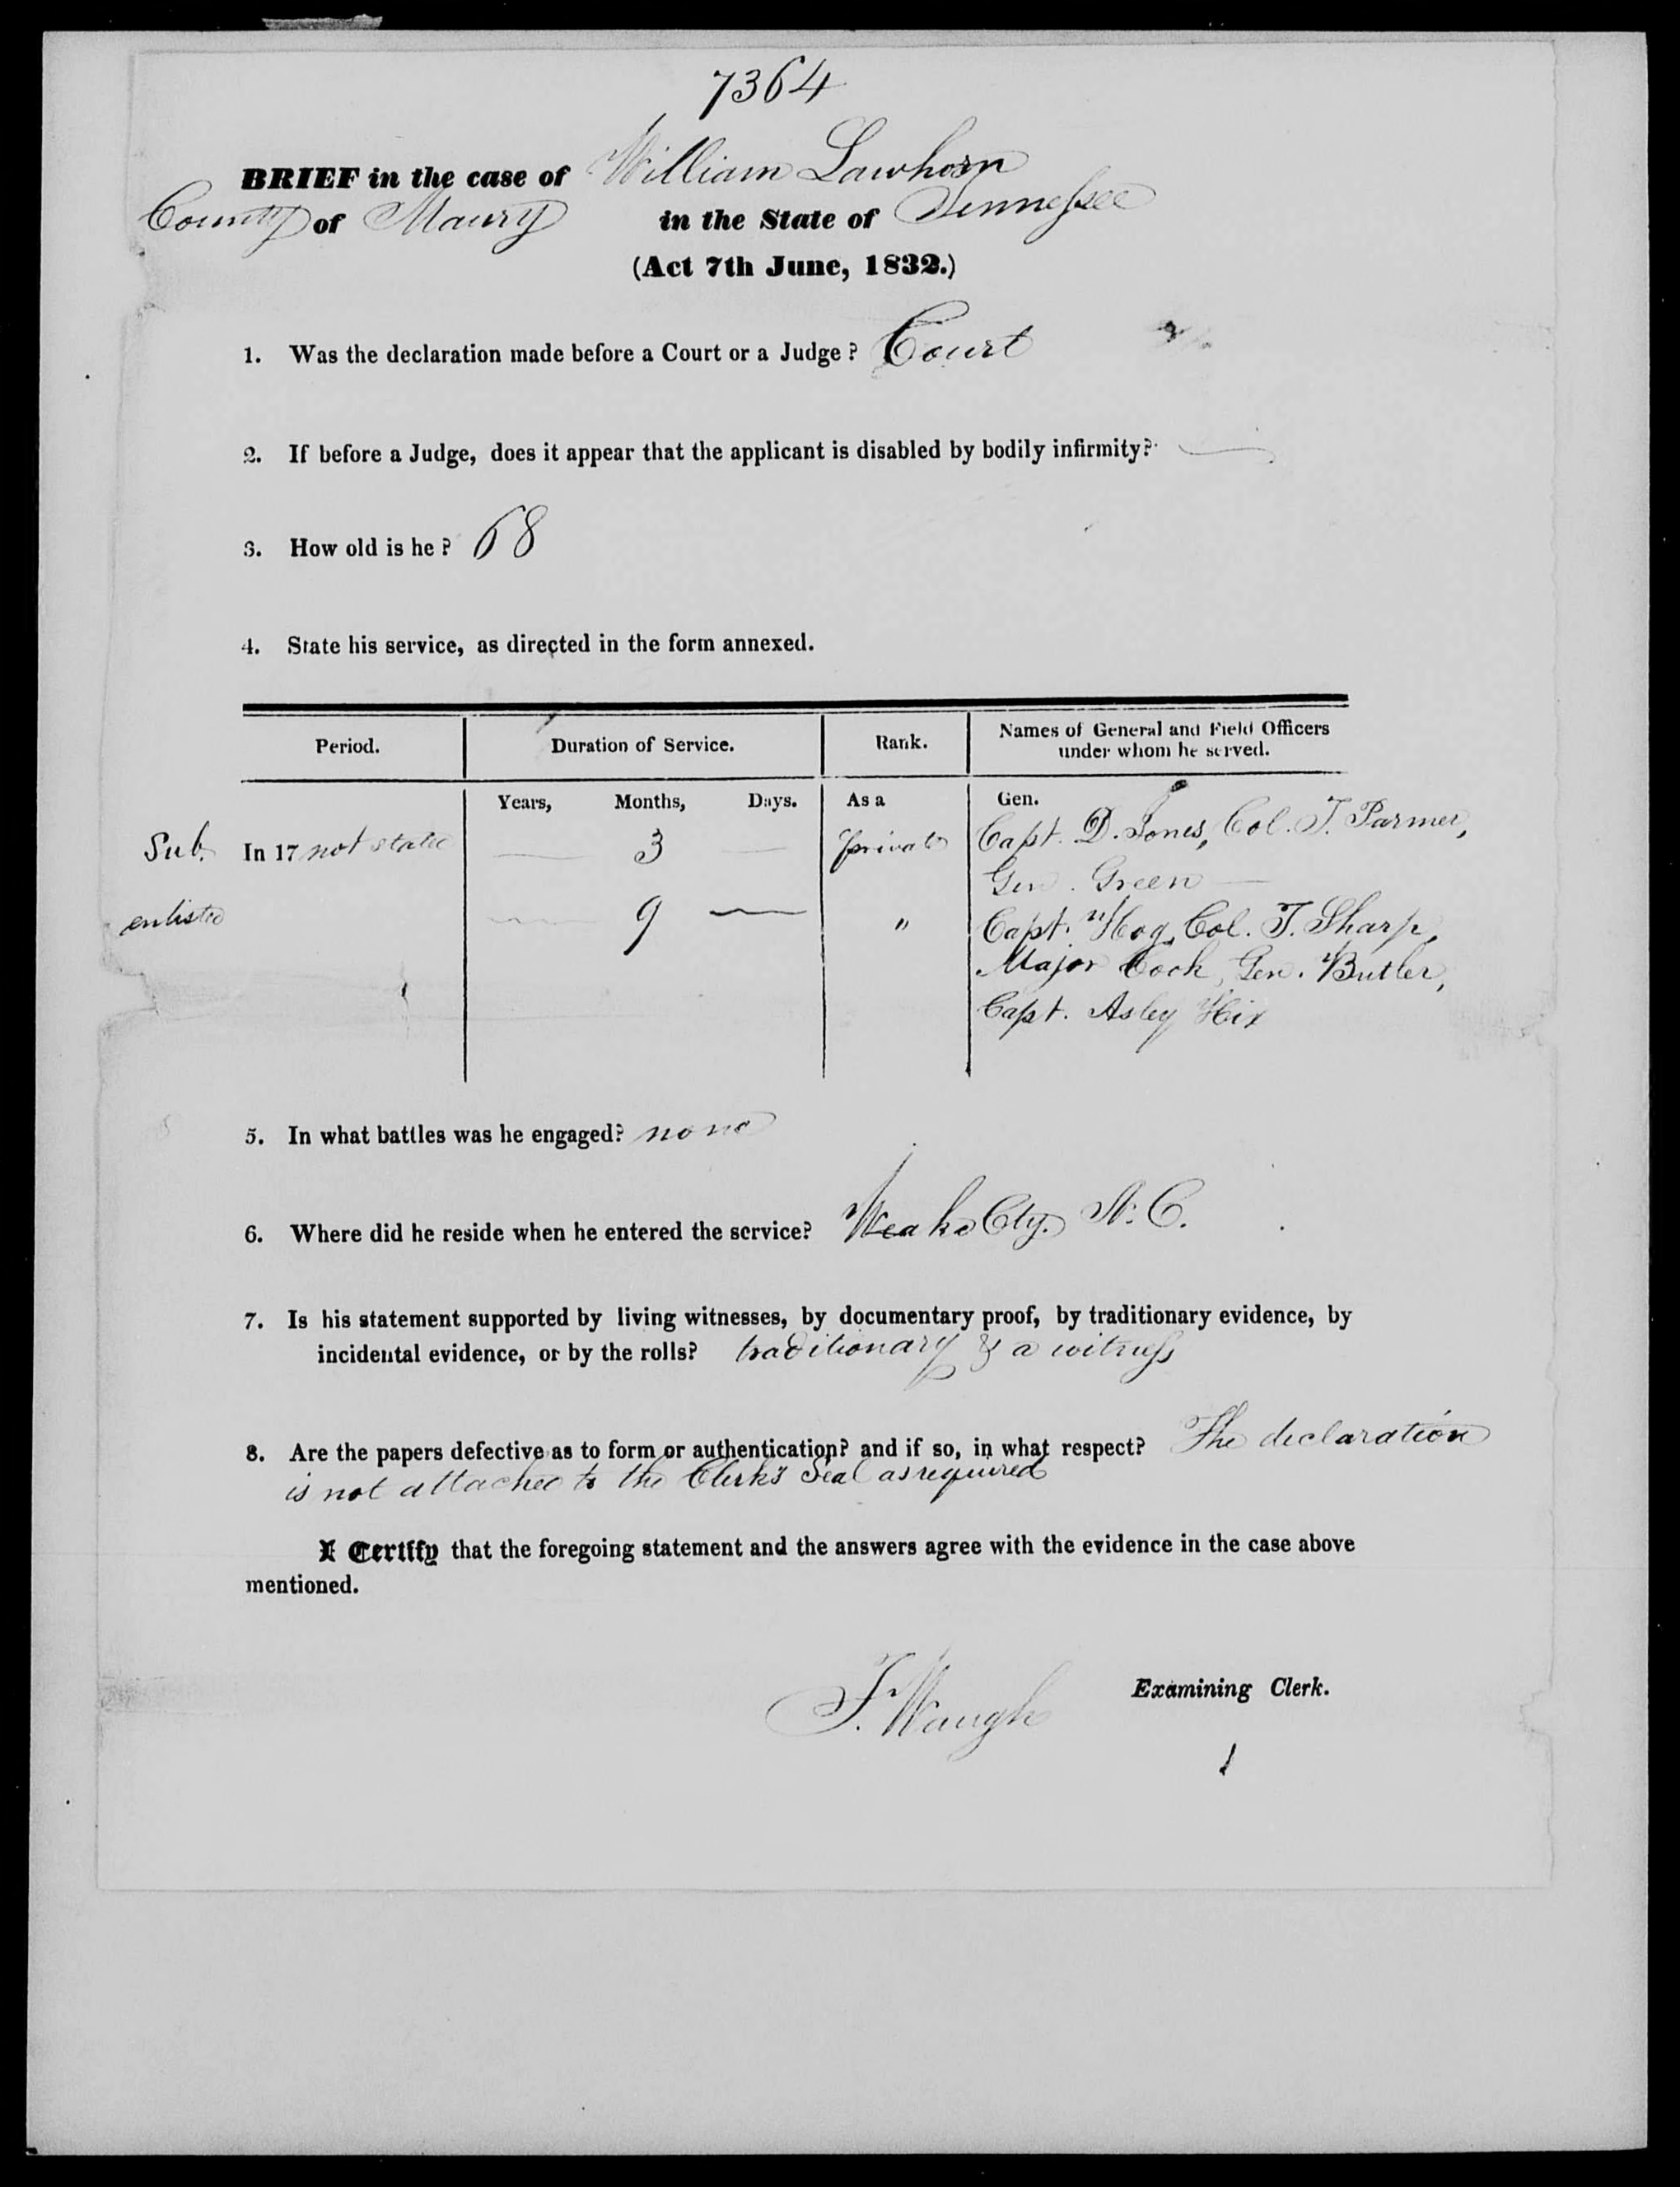7364
BRIEF in the case of William Lawhorn
County of Maury in the State of Tennessee
(Act 7th June, 1832.)

1.  Was the declaration made before a Court of a Judge?  Court

2.  If before a Judge, does it appear that the applicant is disabled by bodily infirmity?

3.  How old is he?  68

4.  State his service, as directed in the form annexed.
Period.
Sub In 17 not stated
enlisted

Duration of Service.
Years, Months, Days.
-  3  -
-  9  -

Rank.
As a private
"

Names of General and Field Officers under whom he served.
Gen.
Capt. D. Jones, Col. T. Parmer
Gen. Green
Capt. Hog, Col. T. Sharp,
Major Cook, Gen. Butler,
Capt. Asley Hix

5.  In what battles was he engaged?  none

6.  Where did he reside when he entered the service?  Wake Cty, NC

7.  Is his statement supported by living witnesses, by documentary proof, by traditionary evidence, by incidental evidence, or by the rolls?  Traditionary & a witness

8.  Are the papers defective as to form or authentication?  and if so, in what respect?  The declaration is not attached to the clerks Seal as required.

I certify that the foregoing statement and the answers agree with the evidence in the case above mentioned.
            F. Waugh            Examining Clerk.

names: T Sharp; [BLANK] Hog; [BLANK] Green; William Lawhorn; T Parmer; Ashley Hix; F Waugh; D Jones; [BLANK] Butler; [BLANK] Cook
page: 4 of 16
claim: survivor's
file: S 4506, for William Lawhorn, North Carolina